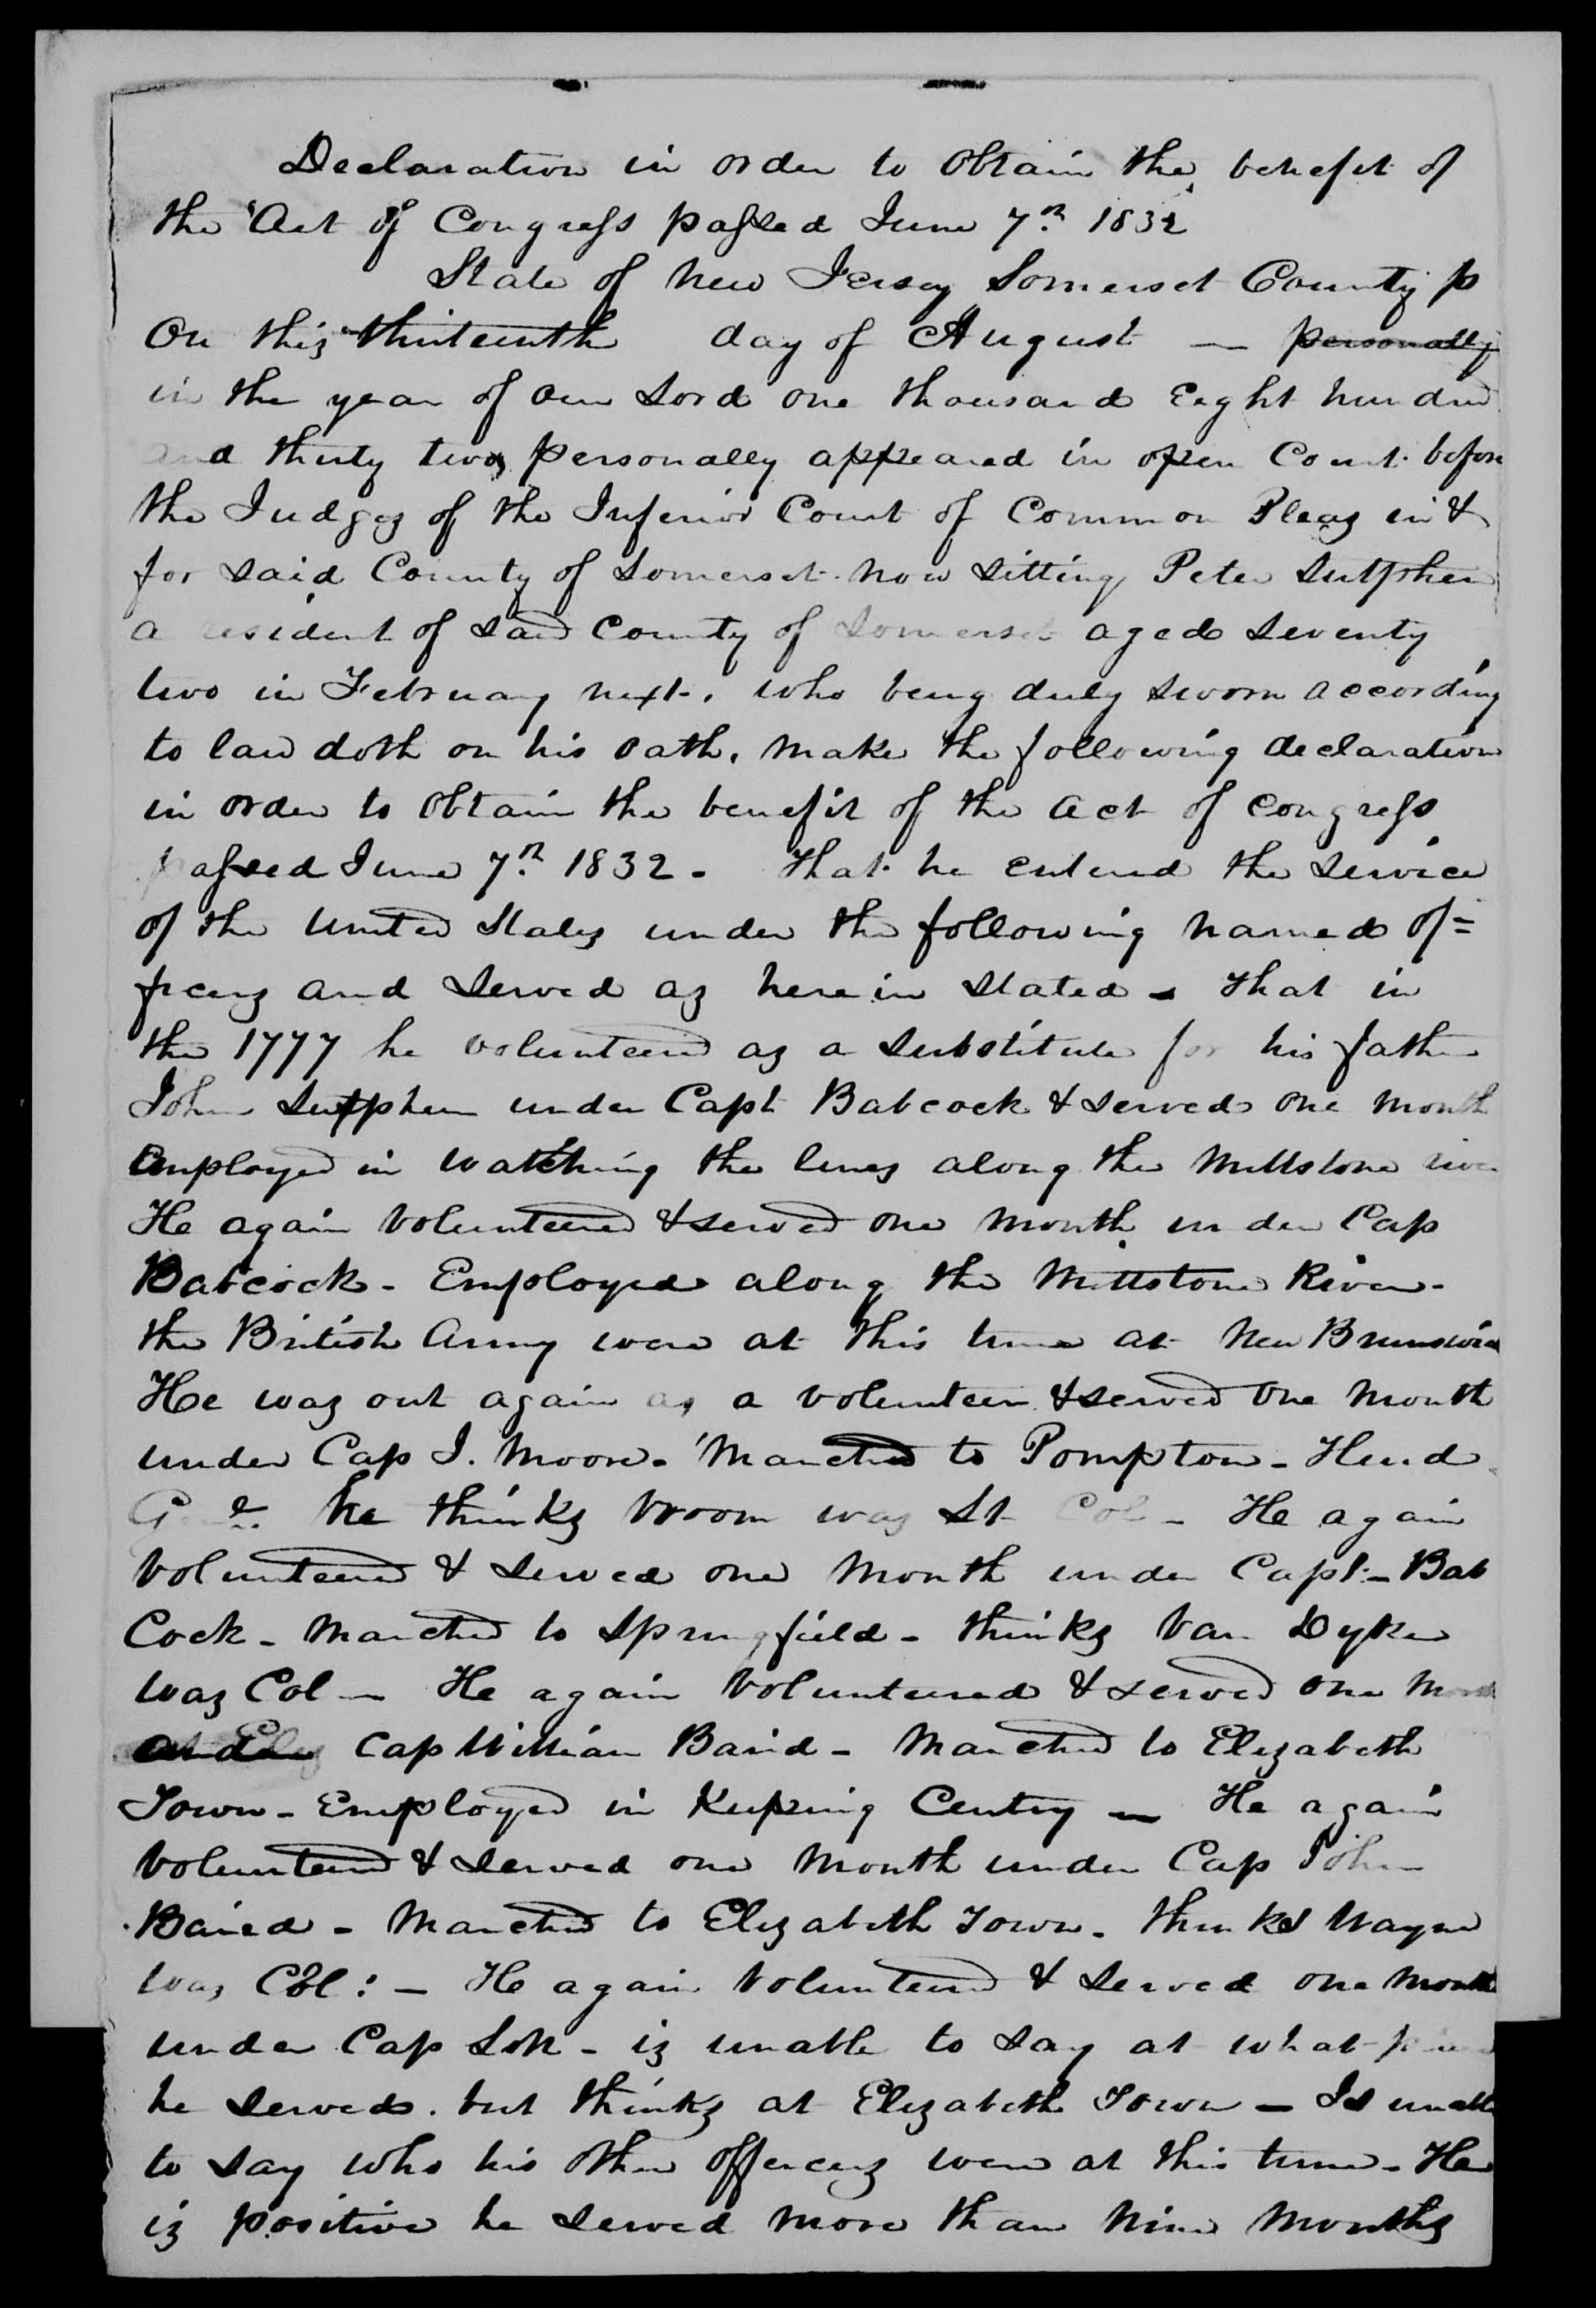Declaration in order to obtain the benefit of the Act of Congressed passed June 7th1832

State of New Jersey Somerset County
On this thirteenth  day of August in the year of our Lord one thousand eight hundred and thirty two, personally appeared in open Court before the Judges of the Inferior Court of Common Please with for said County of Somerset in sitting Peter Sutphen, a resident of said County of Somerset aged seventy two in February next, who being duly sword according to law doth on his oath, make the following declaration in order to obtain the benefits of the Act of Congress passed June 7th 1832. That he entered the Service of the United States under the following ______ of freely and served as herein stated - That in the 1777 he volunteered as a substitute for his father John Sutphen under Capt. Babcock and served one month employed in watching the lines alone the Millstone River. He again volunteered and served one month under Cap. Bafericks. Employed along the Mlilstone River. The British Army was at this time at New Brunswick. He was out again as a volunteer and served one month under Cap. J. Vroom. Marched to Pompton Head Gate. He thinks Vroom was Rt. Col. He again volunteered and served one month under Captain Babcock. Marched to Springfield - thinking Van Dyke was Col - He again volunteered and served one month under Cap. William Baird. Marched to Elizabeth Town - Employed in Keeping Sentry - He again volunteered and served one month under Cap John Bard. Marched to Elizabeth Town. Thinks Morgan was Col.  He  again volunteered nd served one month under Cap ____ - is unable to say at what places he served, but thinks at Elizabeth Town. Is unable to say who his other officers were at this time. He is positive he served more than nine months.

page: 3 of 14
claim: survivor's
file: S. 1119, for Peter Sutphen, New Jersey